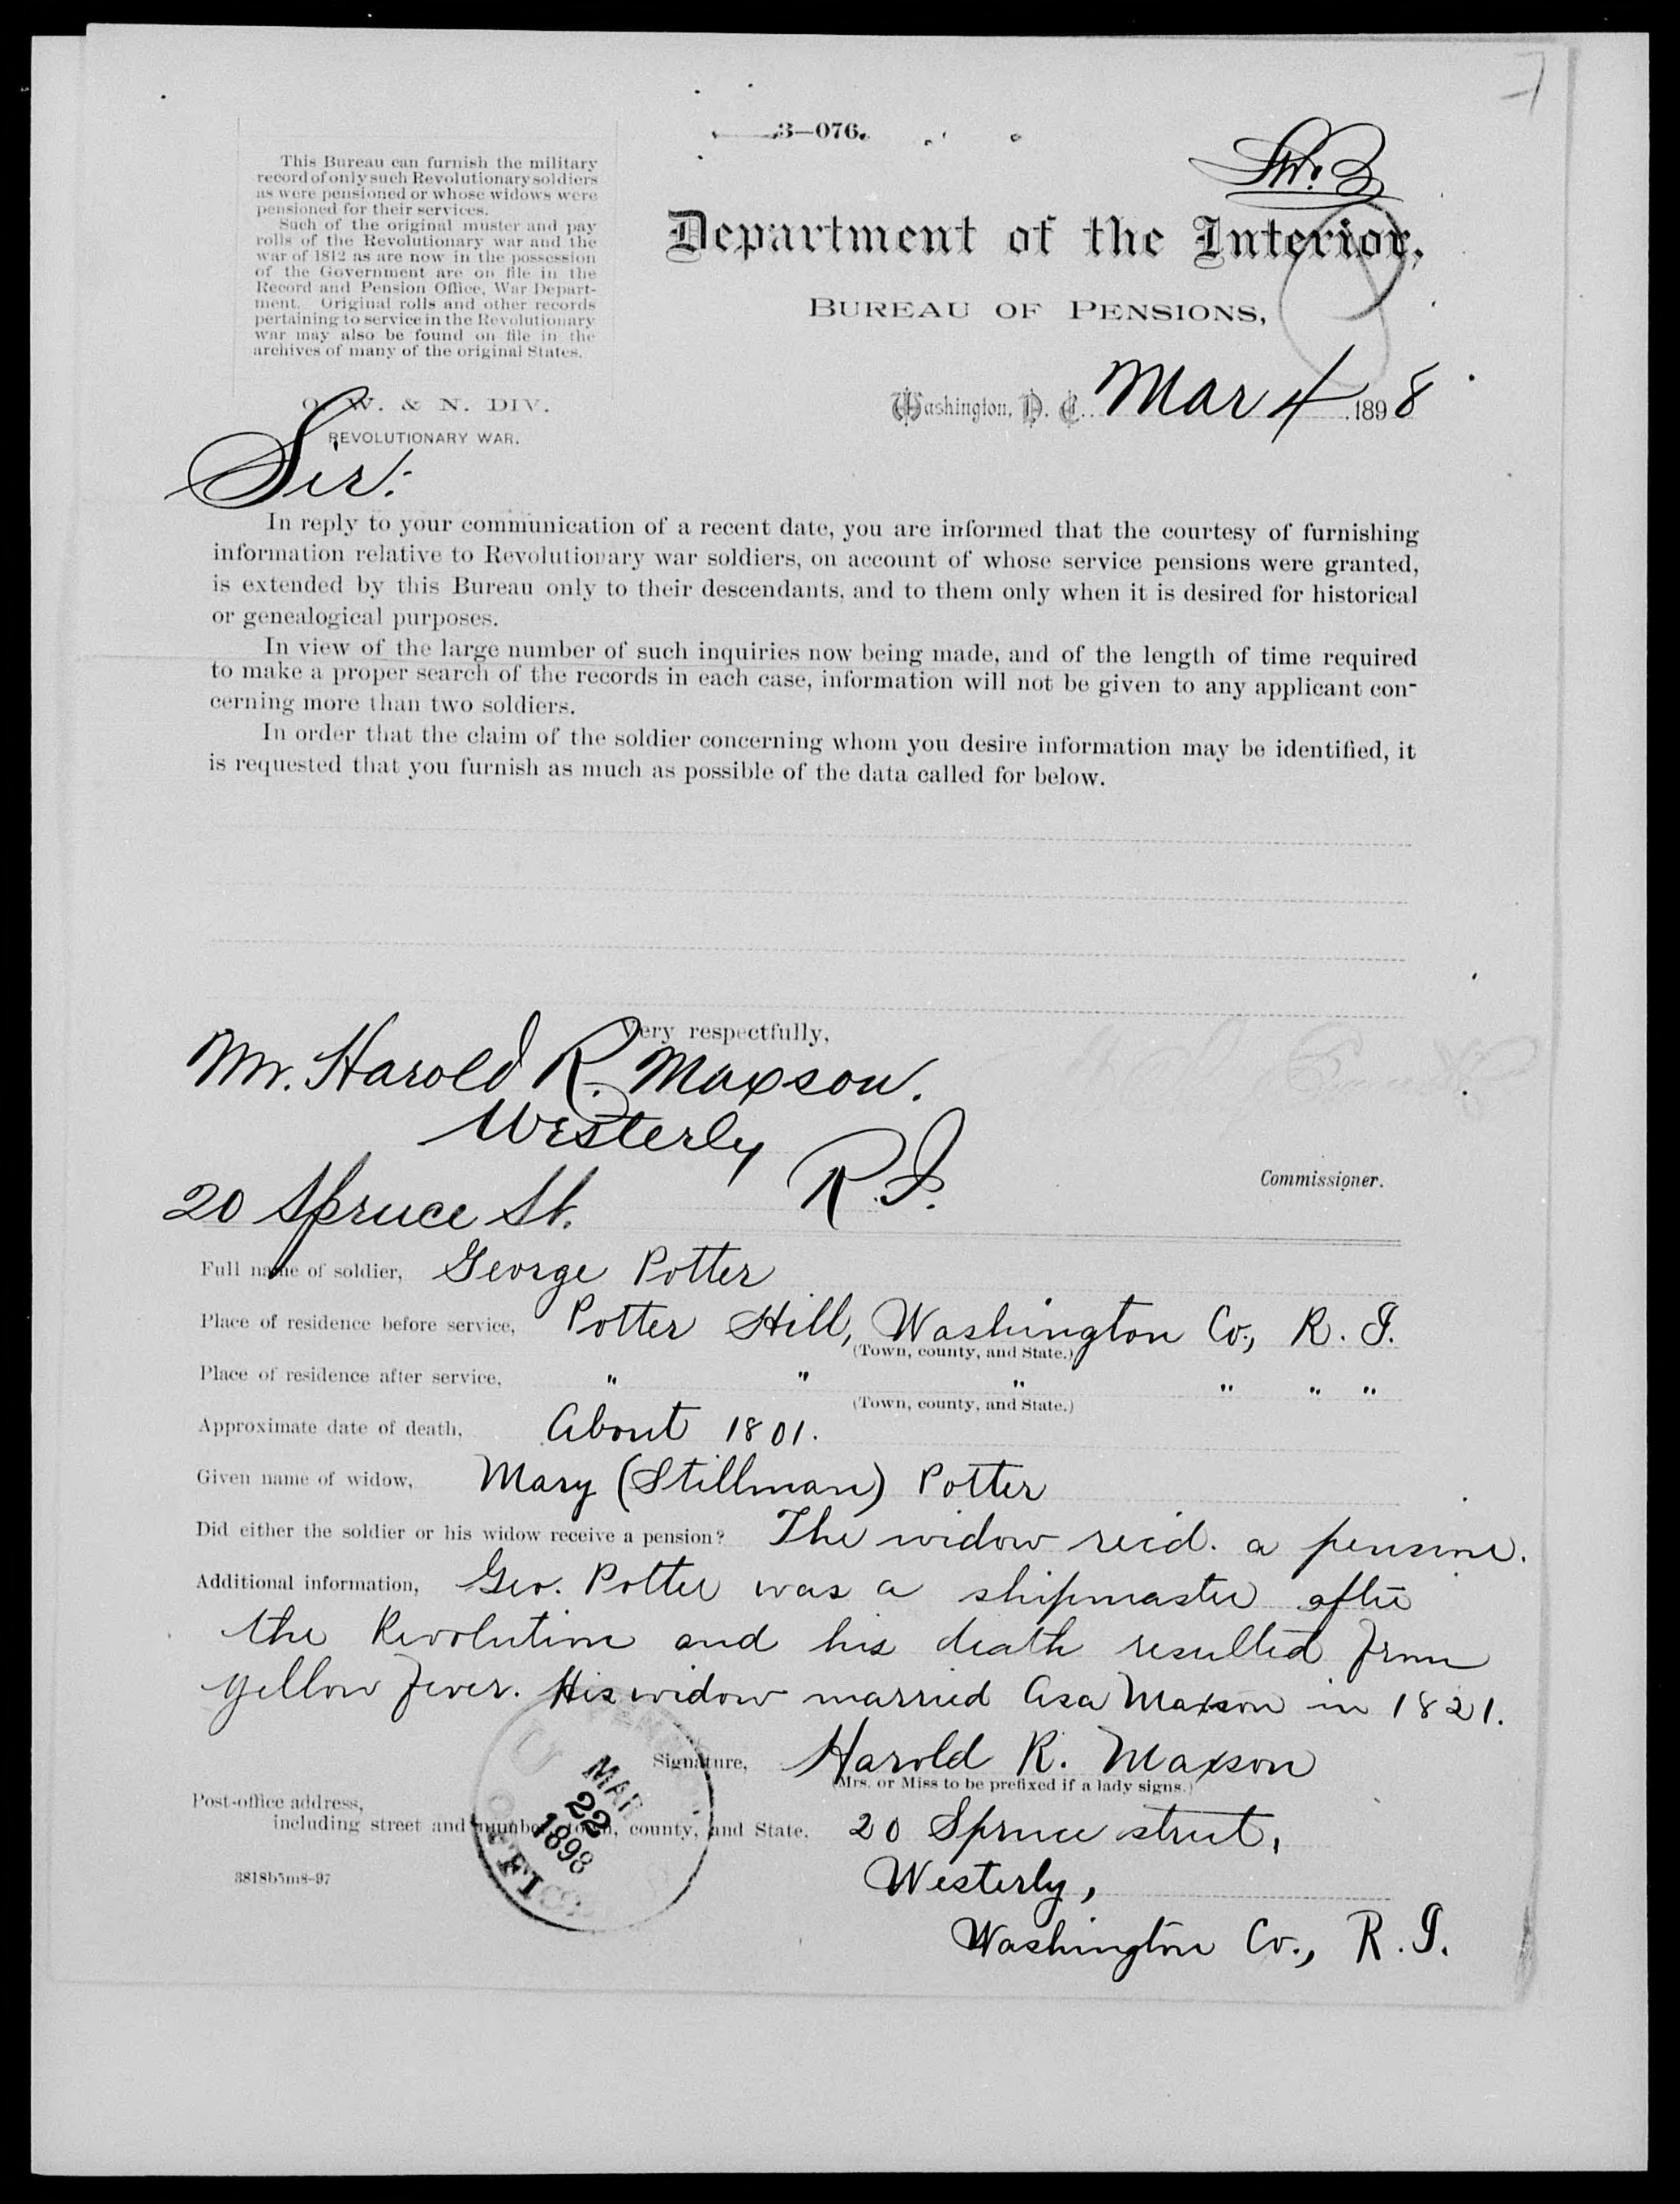This Bureau can furnish the military
record of only such Revolutionary
soldiers as were pensioned or whose widows were pensioned for their services.
Such of the original muster and pay
rolls of the Revolutionary war and the
war of 1812 as are now in the possession
of the Government are on file in the
Record and Pension Office, War Department. 
 Original rolls and other records
pertaining to service in the Revolutionary war
may also be found on file in the archives of many of the original States.
O. W. & N. DIV.
REVOLUTIONARY ARY WAR
3 -- 076.
Department of the Interior,
BUREAU OF PENSIONS,
Washington, D.C. Mar 4, 1898

Sir:
In reply to your communication of a recent date, you are informed that the courtesy of furnishing information relative to Revolutionary War soldiers, on account of whose service pensions were granted,
is extended by this Bureau only to their descendants, and to them only when it is desired for historical or genealogical purposes.
  In view of the large number of such inquiries now being made, and of the length of time required to make a proper search of the records in each case, information will not be given to any applicant concerning more than two soldiers.
  In order that the claim of the soldier concerning whom you desire information may be identified, it is requested that you furnish as much as possible of the data called for below.
Post-office address,
Very Respectfully, 
Mr. Harold R. Maxson,
Westerly, RI
20 Spruce St
Commissioner.

Full name of soldier, George Potter
Place of residence before service: Potter Hill, Washington Co. R.I.
Place of residence after service: Potter Hill, Washington Co. R.I.
Approximate date of death: About 1801.
Given name of widow: Mary (Stillman) Potter
Did either the soldier or his widow receive a pension? The widow recd a pension.
Additional information, Geo. Potter was a shipmaster after the Revolution and his death resulted from yellow fever. His widow married Asa Maxson in 1821.

Signature, Harold R Maxson
State. 20 Spruce street,
Westerly,
Washington Co. R.I

Seal: PENSION OFFICE Mar 22 1898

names: George Potter; Mary Stillman Potter; Asa Maxson; Harold R Maxson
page: 20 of 40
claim: widow's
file: W. 16058, for George Potter, Rhode Island